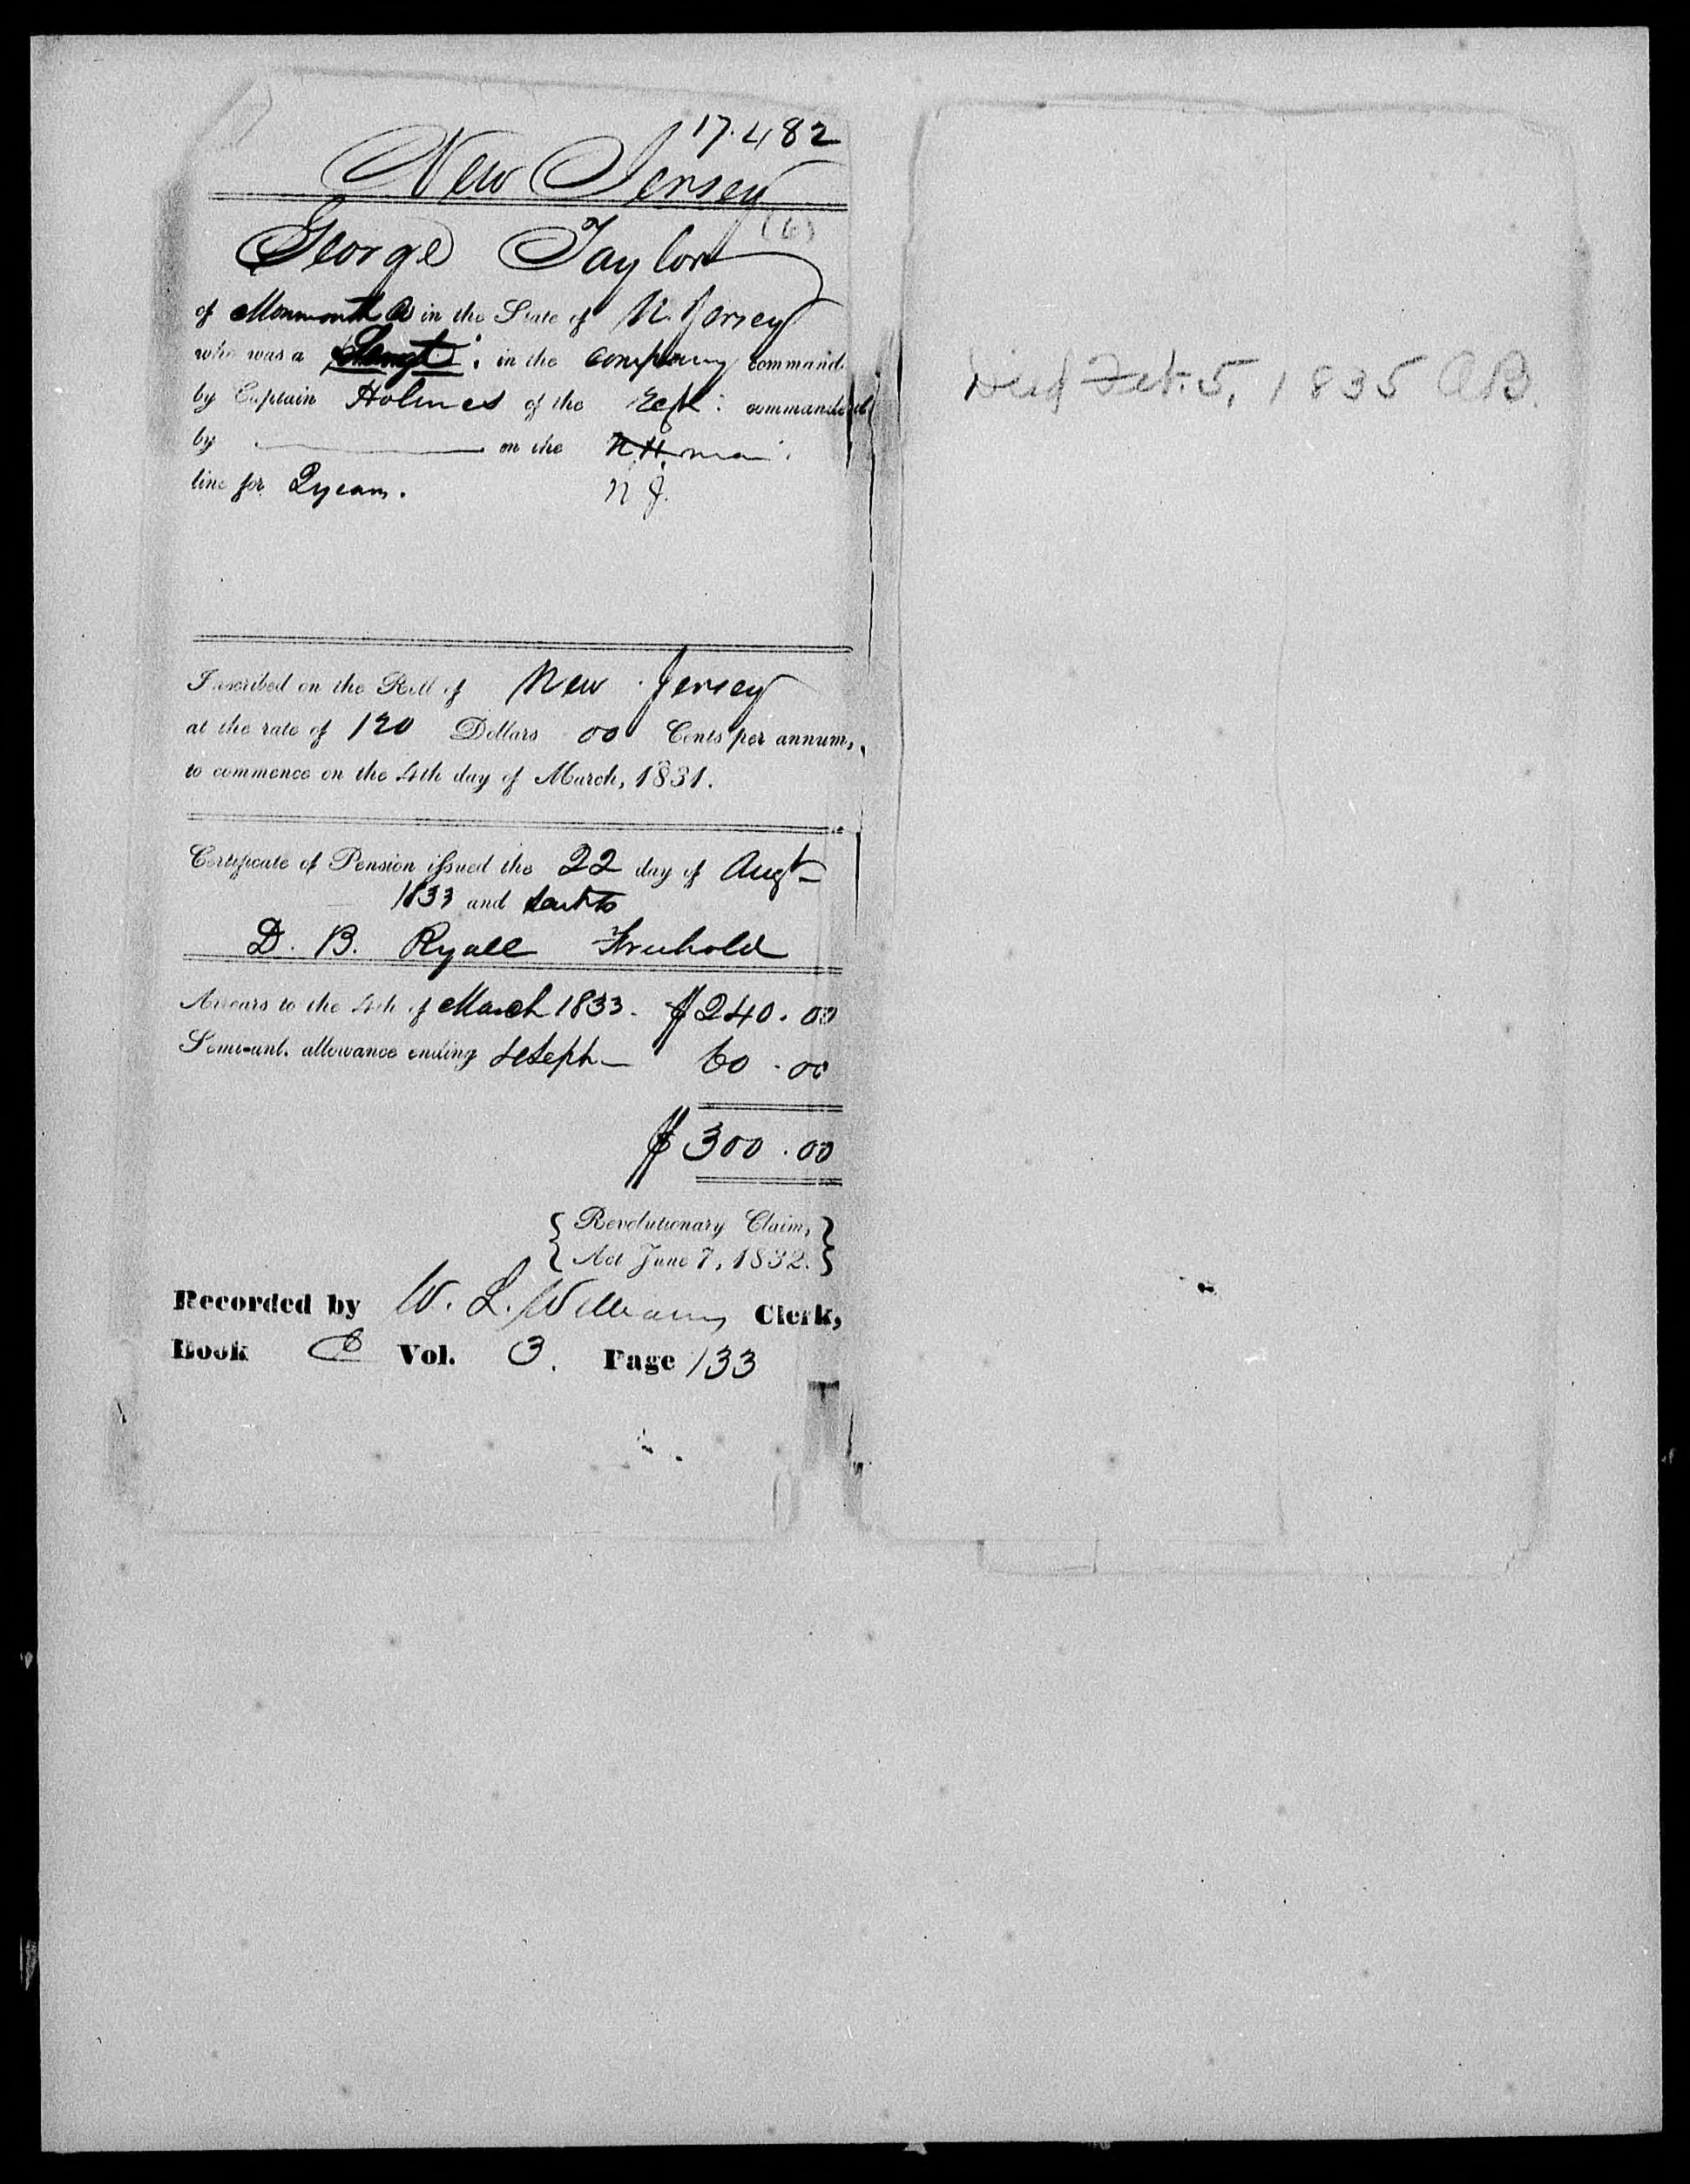17,482
New Jersey
George Taylor 
of Monmouth in the State of New Jersey
who was a Sergeant in the company command  
by Captain Holmes of the ____ Command
by ________on the NJ
line for 2 years.

Inscribed on the roll of New Jersey
at the rate of 120 Dollars 00 Cents per annum,
to commence on the 4th day of March, 1831.

Certificate of Pension issued the 22 day of Aug
1833 and ?????

D. B. Ryall ????hold
Adhears to the 4th of March 1833.  $240.00
Semi-anl. allowance ending ?????        60.00
                                                          $300.00
{Revolutionary Claim,}
{Act June 7, 1832}

Recorded by W.L. Williams, Clerk,
Book ? Vol. 3 Page 133

Died Feb. 5, 1835 AB.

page: 2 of 33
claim: survivor's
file: S. 925, for George Taylor, New Jersey